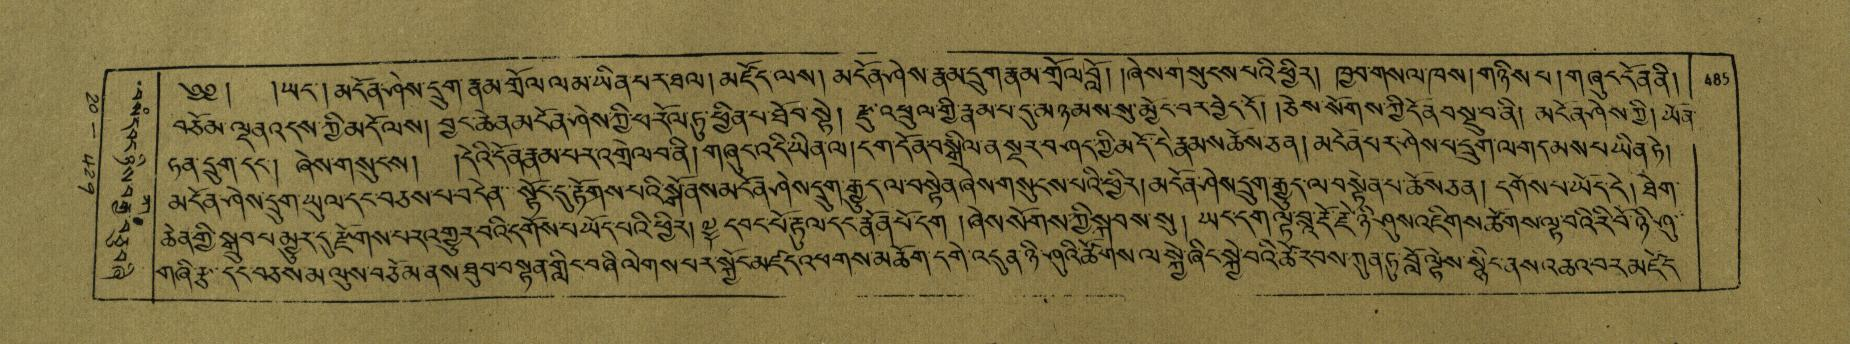༄༅། །ཡང་། མངོན་ཤེས་དྲུག་རྣམ་གྲོལ་ལམ་ཡིན་པར་ཐལ། མཛོད་ལས། མངོན་ཤེས་རྣམ་དྲུག་རྣམ་གྲོལ་བློ། །ཞེས་གསུངས་པའི་ཕྱིར། ཁྱབ་གསལ་ཁས། གཉིས་པ། གཞུང་དོན་ནི།
བཅོམ་ལྡན་འདས་ཀྱི་མདོ་ལས། བྱང་ཆེན་མངོན་ཤེས་ཀྱི་ཕ་རོལ་ཏུ་ཕྱིན་པ་ཐོབ་སྟེ། རྫུ་འཕྲུལ་གྱི་རྣམ་པ་དུ་མ་ཉམས་སུ་མྱོང་བར་བྱེད་དོ། །ཅེས་སོགས་ཀྱི་དོན་བསྡུ་བ་ནི། མངོན་ཤེས་ཀྱི། ཡོན་
ཏན་དྲུག་དང་། ཞེས་གསུངས། །དེའི་དོན་རྣམ་པར་འགྲེལ་བ་ནི། གཞུང་འདི་ཡིན་ལ། ངག་དོན་བསྒྲིལ་ན་སྔར་བཤད་ཀྱི་མདོ་དེ་རྣམས་ཆོས་ཅན། མངོན་པར་ཤེས་པ་དྲུག་ལ་གདམས་པ་ཡིན་ཏེ།
མངོན་ཤེས་དྲུག་ཡུལ་དང་བཅས་པ་བདེན་སྟོང་དུ་རྟོགས་པའི་སྒོ་ནས་མངོན་ཤེས་དྲུག་རྒྱུད་ལ་བསྟེན་ཞེས་གསུངས་པའི་ཕྱིར། མངོན་ཤེས་དྲུག་རྒྱུད་ལ་བསྟེན་པ་ཆོས་ཅན། དགོས་པ་ཡོད་དེ། ཐེག་
ཆེན་གྱི་སྒྲུབ་པ་མྱུར་དུ་རྫོགས་པར་འགྱུར་བའི་དགོས་པ་ཡོད་པའི་ཕྱིར། ༈ དབང་པོ་རྟུལ་དང་རྣོན་པོ་དག །ཞེས་སོགས་ཀྱི་སྐབས་སུ། ཡང་དག་ལྟ་བའི་རྡོ་རྗེ་ཉི་ཤུས་འཇིགས་ཚོགས་ལྟ་བའི་རི་བོ་ཉི་ཤུ་
གཞི་རྩ་དང་བཅས་མ་ལུས་བཅོམ་ནས་ཐུབ་བསྟན་གླིང་བཞི་ལེགས་པར་སྐྱོང་མཛད་འཕགས་མཆོག་དགེ་འདུན་ཉི་ཤུའི་ཚོགས་ལ་སྐྱེ་ཞིང་སྐྱེ་བའི་ཚེ་རབས་ཀུན་ཏུ་བློ་ལྟོས་སྙིང་ནས་འཆའ་བར་མཛོད་